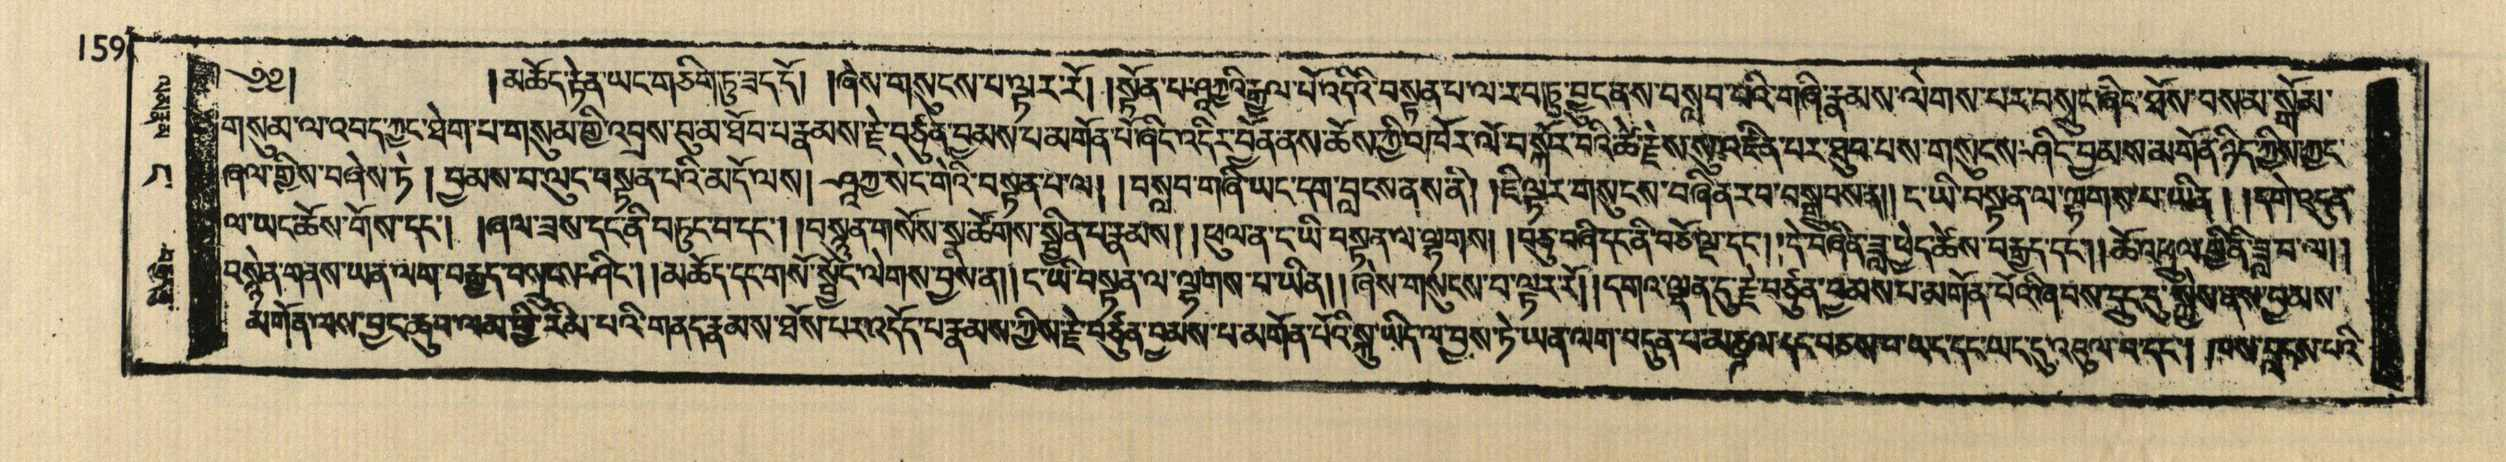༄༅། །མཆོད་རྟེན་ཡང་གཅིག་ཏུ་ཟད་དོ། །ཞེས་གསུངས་པ་ལྟར་རོ། །སྟོན་པ་ཤཱཀྱའི་རྒྱལ་པོ་འདིའི་བསྟན་པ་ལ་རབ་ཏུ་བྱུང་ནས་བསླབ་པའི་གཞི་རྣམས་ལེགས་པར་བསྲུང་ཞིང་ཐོས་བསམ་སྒོམ་
གསུམ་ལ་འབད་ཀྱང་ཐེག་པ་གསུམ་གྱི་འབྲས་བུ་མ་ཐོབ་པ་རྣམས་རྗེ་བཙུན་བྱམས་པ་མགོན་པོ་ཞིང་འདིར་བྱོན་ནས་ཆོས་ཀྱི་འཁོར་ལོ་བསྐོར་བའི་ཚེ་རྗེས་སུ་འཛིན་པར་ཐུབ་པས་གསུངས་ཤིང་བྱམས་མགོན་ཉིད་ཀྱིས་ཀྱང་
ཞལ་གྱིས་བཞེས་ཏེ། བྱམས་བ་ལུང་བསྟན་པའི་མདོ་ལས། ཤཱཀྱ་སེང་གེའི་བསྟན་པ་ལ། །བསླབ་གཞི་ཡང་དག་བླངས་ནས་ནི། །ཇི་ལྟར་གསུངས་བཞིན་རབ་བསྒྲུབས་ན།། ང་ཡི་བསྟན་ལ་ལྷགས་པ་ཡིན། །དགེ་འདུན་
ལ་ཡང་ཆོས་གོས་དང་། །ཞལ་ཟས་དང་ནི་བཏུང་བ་དང་། །བསྙུན་གསོས་སྣ་ཚོགས་སྦྱིན་པ་རྣམས། །ཕུལ་ན་ང་ཡི་བསྟན་ལ་ལྷགས། །བཅུ་བཞི་དང་ནི་བཅོ་ལྔ་དང་། །དེ་བཞིན་ཟླ་ཕྱེད་ཚེས་བརྒྱད་དང་། །ཆོ་འཕྲུལ་གྱི་ནི་ཟླ་བ་ལ། །
བསྙེན་གནས་ཡན་ལག་བརྒྱད་བསྲུངས་ཤིང་། །མཆོད་དང་གསོ་སྦྱོང་ལེགས་བྱས་ན། །ང་ཡི་བསྟན་ལ་ལྷགས་པ་ཡིན། །ཞེས་གསུངས་པ་ལྟར་རོ། །དགའ་ལྡན་དུ་རྗེ་བཙུན་བྱམས་པ་མགོན་པོའི་ཞབས་དྲུང་དུ་སྐྱེས་ནས་བྱམས་
མགོན་ལས་བྱུང་ཆུབ་ལམ་གྱི་རིམ་པའི་གནད་རྣམས་ཐོས་པར་འདོད་པ་རྣམས་ཀྱིས་རྗེ་བཙུན་བྱམས་པ་མགོན་པོའི་སྐུ་ཡིད་ལ་བྱས་ཏེ་ཡན་ལག་བདུན་པ་མཉལ་དང་བཅས་བ་ཡང་དང་ཡང་དུ་འབུལ་བ་དང་། ཁས་བླངས་པའི་